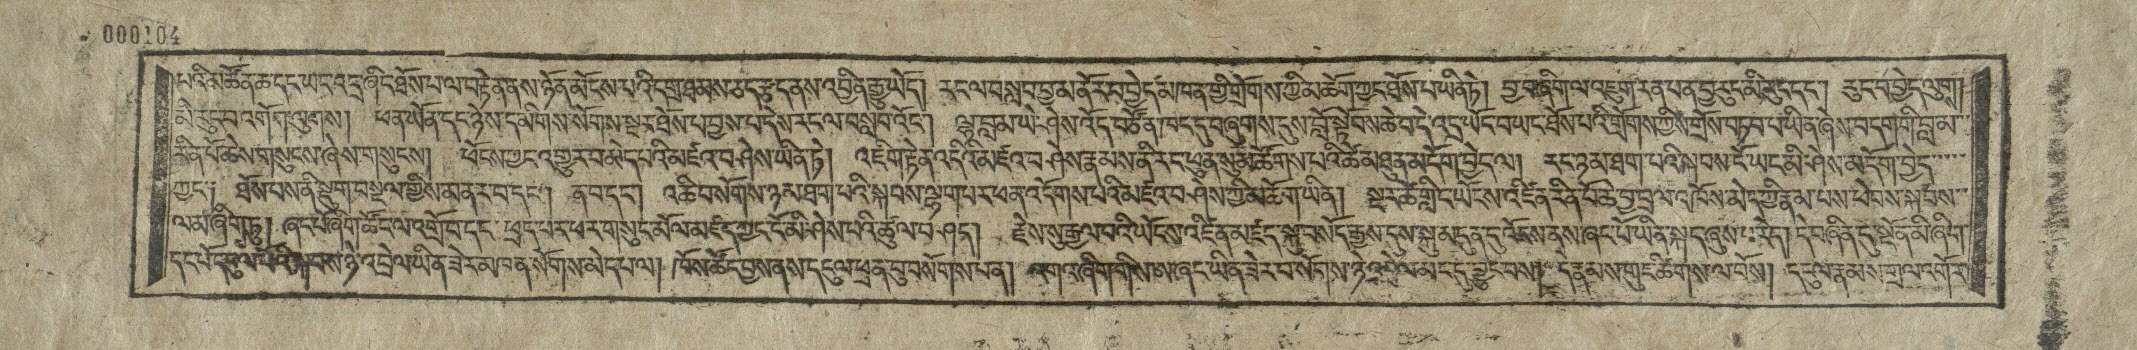པའི་མཚོན་ཆ་དང་ཡང་འདྲ་ཞིང་ཐོས་པ་ལ་བརྟེན་ནས་ཉོན་མོངས་པའི་དགྲ་ཐམས་ཅད་རྩད་ནས་འབྱིན་རྒྱུ་ཡོད། རང་ལ་བསླབ་བྱ་མ་ནོར་བ་བྱེད་མཁན་གྱི་གྲོགས་ཀྱི་མཆོག་ཀྱང་ཐོས་པ་ཡིན་ཏེ། བྱ་བ་ཞིག་ལ་འཇུག་རན་པ་ན་བྱ་རུང་མི་རུང་དང་། རུང་བ་བྱེད་ལུགས།
མི་རུང་བ་འགོག་ལུགས། ཕན་ཡོན་དང་ཉེས་དམིགས་སོགས་སྔར་ཐོས་པ་བྱས་པ་དེས་རང་ལ་བསླབ་འོང་། ལྷ་བླ་མ་ཡེ་ཤེས་འོད་བཙོན་ཁང་དུ་བཞུགས་དུས་བློ་སྟོབས་ཆེ་བ་དེ་འདྲ་ཡོང་བ་ཡང་ཐོས་པའི་གྲོགས་ཀྱི་གྲོས་བཏབ་པ་ཡིན་ཞེས་བདག་གི་བླ་མ་
རིན་པོ་ཆེས་གསུངས་ཞེས་གསུངས། ཕོངས་ཀྱང་འགྱུར་བ་མེད་པའི་མཛའ་བཤེས་ཡིན་ཏེ། འཇིག་རྟེན་འདིའི་མཛའ་བཤེས་རྣམས་ནི་རང་ཕུན་སུམ་ཚོགས་པའི་ཚེ་མཐུན་མདོག་བྱེད་ལ། རང་ཉམ་ཐག་པའི་སྐབས་ངོ་ཡང་མི་ཤེས་མདོག་བྱེད་
ཀྱང༑ ཐོས་པས་ནི་སྡུག་བསྔལ་གྱིས་མནར་བ་དང་། ན་བ་དང་། འཆི་བ་སོགས་ཉམ་ཐག་པའི་སྐབས་ལྷག་པར་ཕན་འདོགས་པའི་མཛའ་བཤེས་ཀྱི་མཆོག་ཡིན། སྔར་ཚེ་གླིང་ཡོངས་འཛིན་རིན་པོ་ཆེ་བྱ་བྲལ་འཁོས་མེད་ཀྱི་རྣམ་པས་ཕེབས་སྐབས་
ལམ་ཞིག་ཏུ། ཞང་པོ་ཞིག་ཚོང་ལ་འགྲོ་བ་དང་ཕྲད་པར་ཕར་གསུང་མོལ་མཛད་ཀྱང་ངོ་མི་ཤེས་པའི་ཚུལ་བཤད། རྗེས་སུ་རྒྱལ་བའི་ཡོངས་འཛིན་མཛད་སྐུ་བསོད་རྒྱས་དུས་སྐུ་མདུན་དུ་འོངས་ནས་ཞང་པོ་ཡིན་སྐད་ཞུས་པ་རེད། དེ་བཞིན་དུ་སྔོན་མི་ཞིག་
དང་པོ་དབུལ་པོའི་སྐབས་ཉེ་འབྲེལ་ཡིན་ཟེར་མཁན་སོགས་མེད་པ་ལ། ཁོས་ཚོང་བྱས་ནས་དངུལ་ཕྲན་བུ་བསོགས་པ་ན། འགའ་ཞིག་གིས་ཨ་ཞང་ཡིན་ཟེར་བ་སོགས་ཉེ་འབྲེལ་མང་དུ་བྱུང་བས། དེ་རྣམས་གུང་ཚིགས་ལ་བོས། དངུལ་རྣམས་གྲལ་འགོར་